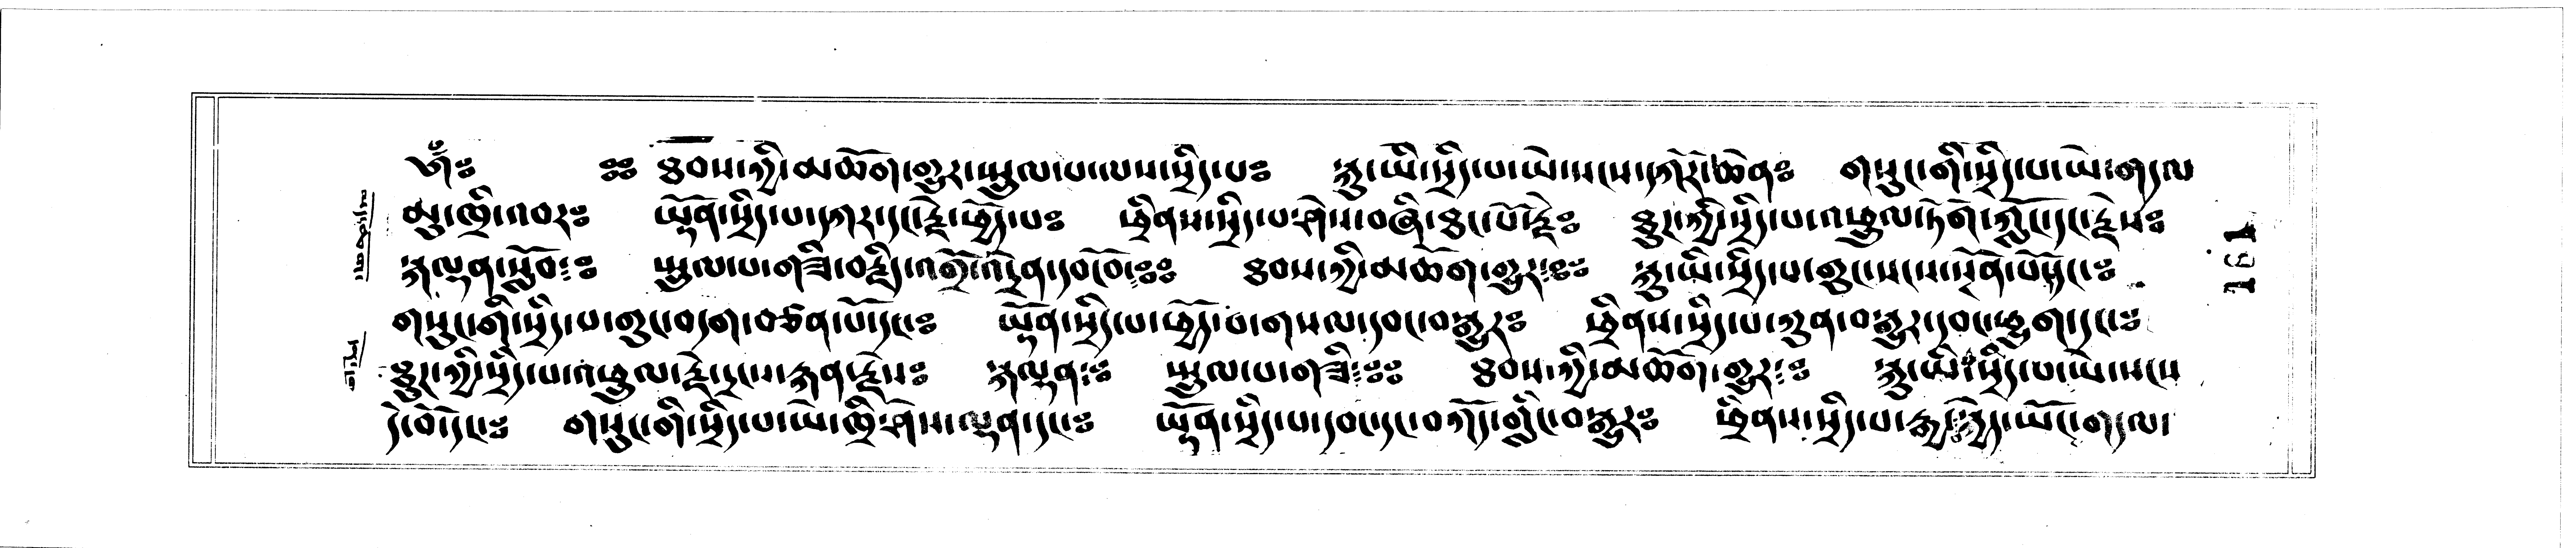ཐབས་ཀྱི་མཆོག་གྱུར་སྤྲུལ་པ་ལས་སྲིད་པཿ སྐུ་ཡི་སྲིད་པ་ཡེ་སངས་དཀར་པོ་ཆེཿ གསུང་གི་སྲིད་པ་ཡེ་བདལ་
མུ་ཁྲི་འབརཿ ཡོན་ཏན་གྱི་སྲིད་པ་དཀར་དང་རྗེ་ཕྱོད་པཿ ཕྲིན་ལས་ཀྱི་སྲིད་པ་ཤེས་བཞིན་ཐང་པོ་རྗེཿ ཐུགས་ཀྱི་སྲིད་པ་འཕྲུལ་ཏོག་ཀློང་དང་རྗེསཿ 
སྐལ་ལྡན་སློབ་མ་རྣམས་ལ་དབང་བསྐུར་བསཿ སྤྲུལ་པ་གཟི་བརྗིད་འགྲོ་འདྲེན་དབང་ཐོབ་ཤོགཿ ཐབས་ཀྱི་མཆོག་གྱུར་སྤྲུལ་པ་ལས་སྲིད་པཿ 
སྐུ་ཡི་སྲིད་པ་གུང་སངས་སྔོན་པོ་དངཿ གསུང་གི་སྲིད་པ་གུང་བདག་བཙན་པོ་དངཿ ཡོན་ཏན་གྱི་སྲིད་པ་ཕྱོད་པ་གསལ་དབང་བསྒྱུརཿ ཕྲིན་ལས་ཀྱི་སྲིད་པ་ཀུན་སྒྱུར་དབང་ཕྱུག་དངཿ 
ཐུགས་ཀྱི་སྲིད་པ་འཕྲུལ་རྗེ་དྲང་རྐན་རྗེསཿ སྐལ་ལྡན་སློབ་མ་རྣམས་ལ་དབང་བསྐུར་བསཿ སྤྲུལ་པ་གཟི་བརྗིད་འགྲོ་འདྲེན་དབང་ཐོབ་ཤོགཿ ཐབས་ཀྱི་མཆོག་གྱུར་སྤྲུལ་པ་ལས་སྲིད་པཿ སྐུ་ཡི་སྲིད་པ་ཡེ་སངས་
དེ་བོ་དངཿ གསུང་གི་སྲིད་པ་ཡེ་ཁྲི་ཤེས་ལྡན་དངཿ ཡོན་ཏན་གྱི་སྲིད་པ་དབང་དང་བཀོད་གླིང་སྒྱུརཿ ཕྲིན་ལས་ཀྱི་སྲིད་པ་རྒྱ་བསྐྱེད་ཡོངས་བདལ་དངཿ